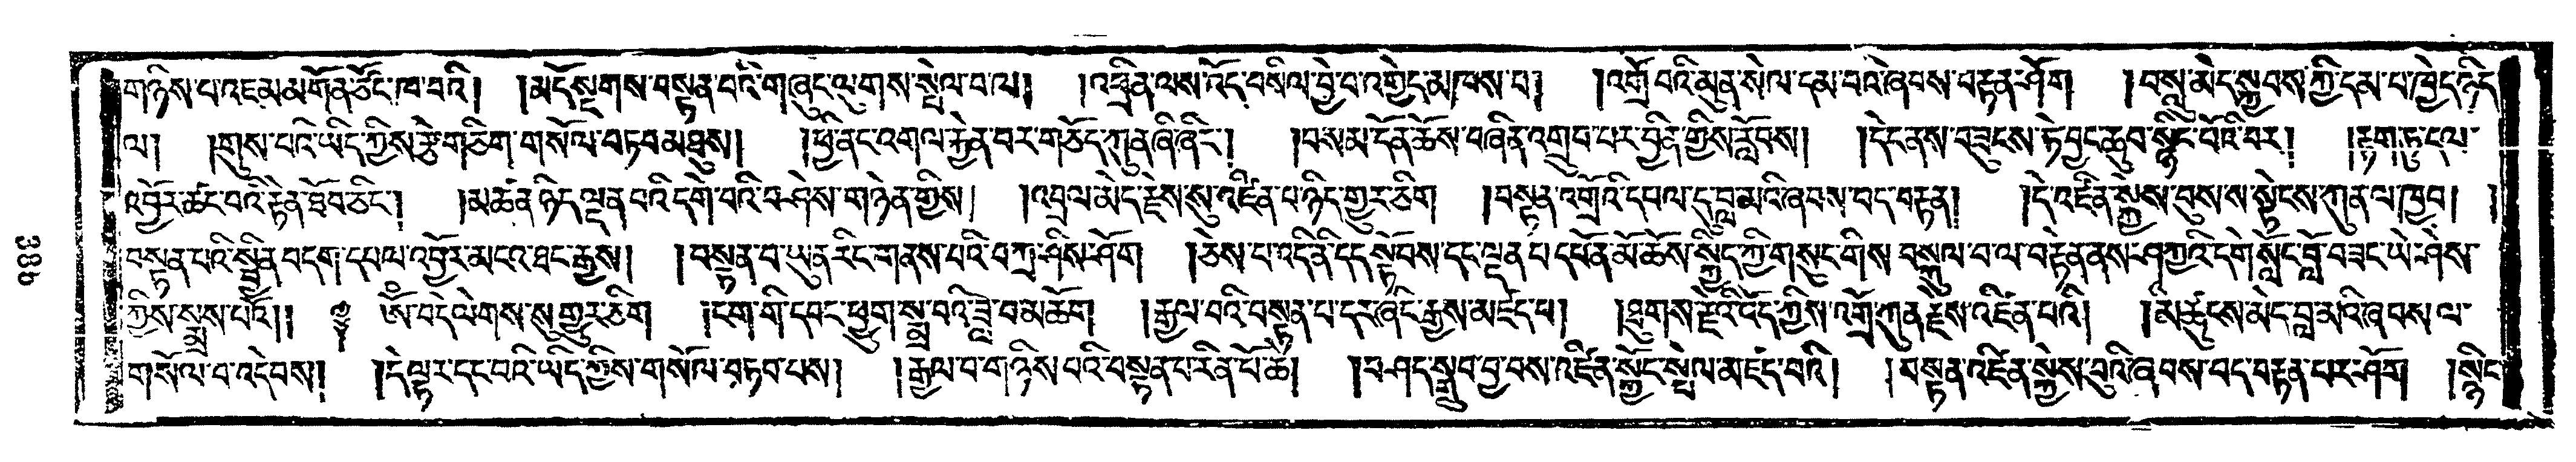གཉིས་པ་འཇམ་མགོན་ཙོང་ཁ་བའི། །མདོ་སྔགས་བསྟན་བའི་གཞུང་ལུགས་སྤེལ་བ་ལ། །འཕྲིན་ལས་འོད་བསིལ་བྱེ་བ་འགྱེད་མཁས་པ། །འགྲོ་བའི་མུན་སེལ་དམ་བའི་ཞབས་བརྟན་ཤོག །བསླུ་མེད་སྐྱབས་ཀྱི་དམ་པ་ཁྱེད་ཉིད་
ལ། །གུས་པའི་ཡིད་ཀྱིས་རྩེ་གཅིག་གསོལ་བཏབ་མཐུས། །ཕྱི་ནང་འགལ་རྐྱེན་བར་གཅོད་ཀུན་ཞི་ཞིང་། །བསམ་དོན་ཆོས་བཞིན་འགྲུབ་པར་བྱིན་གྱིས་རློབས། །དེང་ནས་བཟུངས་ཏེ་བྱང་ཆུབ་སྙིང་པོའི་བར། །རྟག་ཏུ་དལ་
འབྱོར་ཚང་བའི་རྟེན་ཐོབ་ཅིང་། །མཚན་ཉིད་ལྡན་བའི་དགེ་བའི་བཤེས་གཉེན་གྱིས། །འབྲལ་མེད་རྗེས་སུ་འཛིན་པ་ཉིད་གྱུར་ཅིག །བསྟན་འགྲོའི་དཔལ་དུ་བླ་མའི་ཞབས་བད་བརྟན། །དེ་འཛིན་སྐྱེས་བུས་ས་སྟེངས་ཀུན་ལ་ཁྱབ། །
བསྟན་པའི་སྦྱིན་བདག་དཔལ་འབྱོར་མངའ་ཐང་རྒྱས། །བསྟན་བ་ཡུན་རིང་གནས་པའི་བཀྲ་ཤིས་ཤོ་ག །ཅེས་པ་འདི་ནི་དད་སྟོབས་དང་ལྡན་པ་དཔོན་མོ་ཆོས་སྐྱིད་ཀྱི་གསུང་གིས་བསྐུལ་བ་ལ་བརྟེན་ནས་ཤཱཀྱའི་དགེ་སློང་བློ་བཟང་ཡེ་ཤེས་
ཀྱིས་སྨྲས་པའོ།། ༈ ཨོཾ་བདེ་ལེགས་སུ་གྱུར་ཅིག །ངག་གི་དབང་ཕྱུག་སྨྲ་བའི་ཟླ་བ་མཆོག །རྒྱལ་བའི་བསྟན་པ་དར་ཞིང་རྒྱས་མཛད་པ། །ཐུགས་རྗེའི་འོད་ཀྱིས་འགྲོ་ཀུན་རྗེས་འཛིན་པའི། །མཚུངས་མེད་བླ་མའི་ཞབས་ལ་
གསོལ་བ་འདེབས། །དེ་ལྟར་དང་བའི་ཡིད་ཀྱིས་གསོལ་བཏབ་པས། །རྒྱལ་བ་གཉིས་པའི་བསྟན་པ་རིན་པོ་ཆེ། །བཤད་སྒྲུབ་བྱ་བས་འཛིན་སྐྱོང་སྤེལ་མཛད་བའི། །བསྟན་འཛིན་སྐྱེས་བུའི་ཞབས་བད་བརྟན་པར་ཤོག །སྙིང་